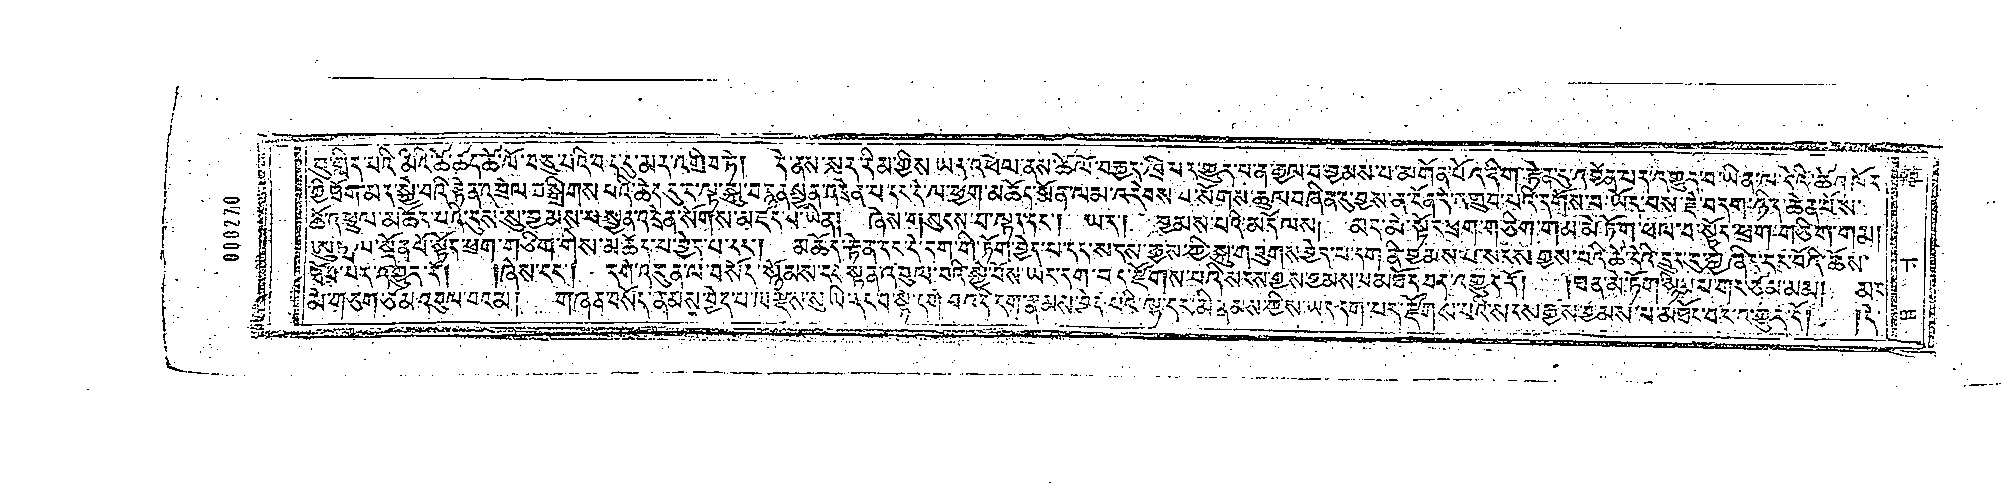བུ་གླིང་པའི་མིའི་ཚེ་ཚད་ཚེ་ལོ་བཅུ་པའི་བར་དུ་མར་འགྲིབ་ཏེ། དེ་ནས་སླར་རིམ་གྱིས་ཡར་འཕེལ་ནས་ཚེ་ལོ་བརྒྱད་ཁྲི་བར་གྱུར་པ་ན་རྒྱལ་བ་བྱམས་པ་མགོན་པོ་འཇིག་རྟེན་དུ་འབྱོན་པར་འགྱུར་བ་ཡིན་ལ་དེའི་ཚེ་འཁོར་
གྱི་ཐོག་མར་སྐྱེ་བའི་རྟེན་འབྲེལ་བསྒྲིགས་པའི་ཆེད་དུ་ད་ལྟ་སྐུ་བརྙན་སྤྱན་འདྲེན་པ་དང་དེ་ལ་ཕྱག་མཆོད་སྨོན་ལམ་འདེབས་པ་སོགས་ཚུལ་བཞིན་དུ་བྱས་ན་དོན་དེ་འགྲུབ་པའི་དགོས་པ་ཡོད་པས་རྗེ་བདག་ཉིད་ཆེན་པོས་
ཆོ་འཕྲུལ་མཆོད་པའི་དུས་སུ་བྱམས་པ་སྤྱན་འདྲེན་སོགས་མཛད་པ་ཡིན། ཞེས་གསུངས་པ་ལྟར་དང་། ཡང་། བྱམས་པའི་མདོ་ལས། མར་མེ་སྟོང་ཕྲག་གཅིག་གམ་མེ་ཏོག་ཕུལ་བསྟོང་ཕྲག་གཅིག་གམ།
ཨུཏྤལ་སྔོན་པོ་སྟོང་ཕྲག་གཅིག་གིས་མཆོད་པ་བྱེད་པ་དང་། མཆོད་རྟེན་དང་དེ་དག་གི་ཏོག་བྱེད་པ་དད་སངས་རྒྱས་ཀྱི་སྐུ་གཟུགས་བྱེད་པ་དག་ནི་བྱམས་པ་སངས་རྒྱས་པའི་ཚེ་དེའི་དྲུང་དུ་སྐྱེ་ཞིང་དང་པོའི་ཆོས་
ཐོབ་པར་འགྱུར་རོ། །ཞེས་དང་། དགེ་འདུན་ལ་བསོད་སྙོམས་དང་སྟན་འབུལ་བའི་སྐྱེ་བོས་ཡང་དག་བར་རྫོགས་པའི་སངས་རྒྱས་བྱམས་པ་མཐོང་བར་འགྱུར་རོ། །ཐ་ན་མེ་ཏོག་སྙིམ་པ་གང་ཙམ་མམ། མར་
མེ་གཅིག་ཙམ་འབུལ་བའམ། གཞན་བསོད་ནམས་བྱེད་པ་ལ་རྫེས་སུ་ཡི་རང་བ་སྟེ་དགེ་བ་འདི་དག་རྣམས་བྱེད་པའི་ལྷ་དང་མི་རྣམས་ཀྱིས་ཡང་དག་པར་རྫོགས་པའི་སངས་རྒྱས་བྱམས་པ་མཐོང་བར་འགྱུར་རོ། །དེ་